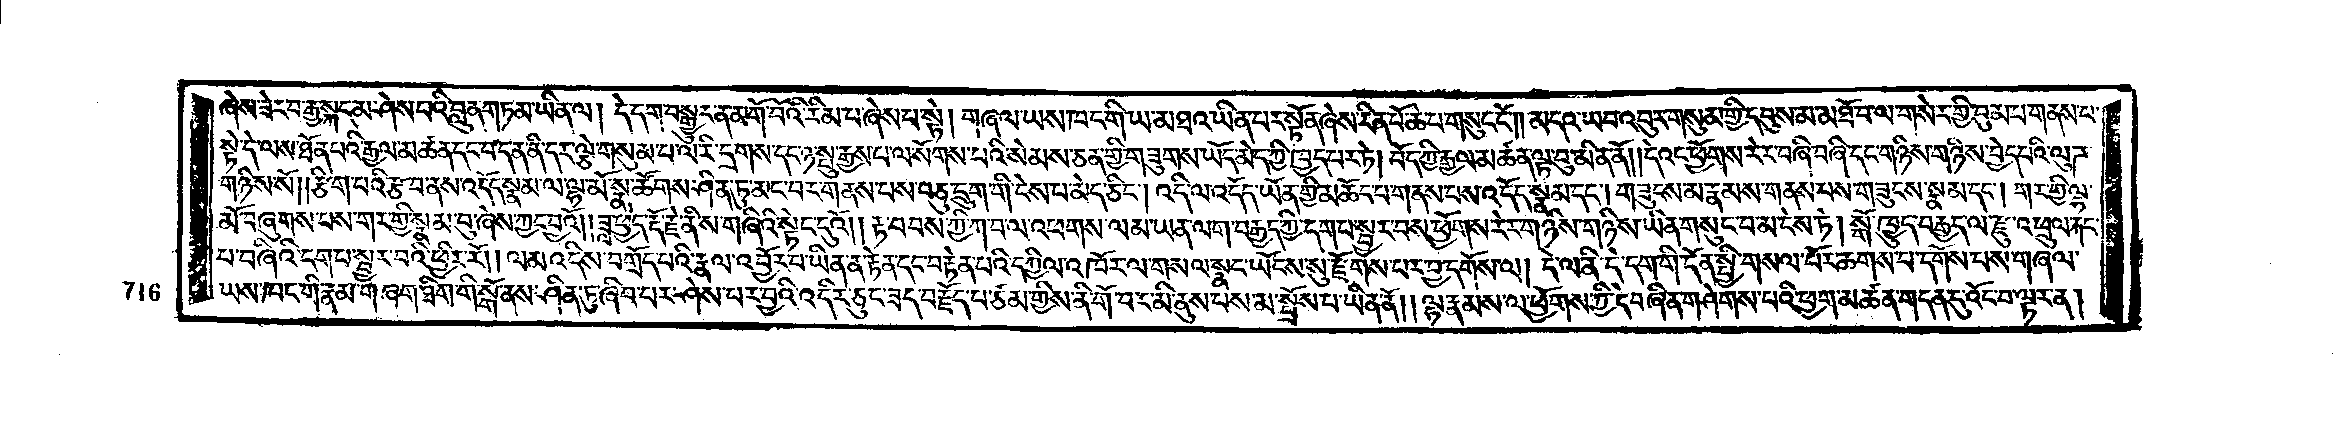ཞེས་ཟེར་བ་རྒྱ་སྐད་མ་ཤེས་པའི་བླུན་གཏམ་ཡིན་ལ། དེ་དག་བསྒྱུར་ན་མགོ་བོའི་རིམ་པ་ཞེས་པ་སྟེ། གཞལ་ཡས་ཁང་གི་ཡ་མཐའ་ཡིན་པར་སྟོན་ཞེས་རིན་པོ་ཆེ་བ་གསུང་ངོ། །མདའ་ཡབ་འབུར་གསུམ་གྱི་དབུས་མ་མཐོ་བ་ལ་གསེར་གྱི་བུམ་པ་གནས་པ་
སྟེ་དེ་ལས་ཐོན་པའི་རྒྱལ་མཚན་དང་བ་དན་ནི་དར་ལྕེ་གསུམ་པ་ལ་རི་དྭགས་དང་ཉ་སྤུ་རྒྱས་པ་ལ་སོགས་པའི་སེམས་ཅན་གྱི་གཟུགས་ཡོད་མེད་ཀྱི་ཁྱད་པར་ཏེ། བོད་ཀྱི་རྒྱལ་མཚན་ལྟ་བུ་མིན་ནོ། །དེའང་ཕྱོགས་རེར་བཞི་བཞི་དང་གཉིས་གཉིས་བྱེད་པའི་ལུགས་
གཉིས་སོ། །རྩིག་པའི་རྩ་བ་ནས་འདོད་སྣམ་ལ་ལྷ་མོ་སྣ་ཚོགས་ཤིན་ཏུ་མང་བར་གནས་པས་བཅུ་དྲུག་གི་ངེས་པ་མེད་ཅིང་། འདི་ལ་འདོད་ཡོན་གྱི་མཆོད་པ་གནས་པས་འདོད་སྣམ་དང་། གཟུངས་མ་རྣམས་གནས་པས་གཟུངས་སྣམ་དང་། གར་གྱི་ལྷ་
མོ་བཞུགས་པས་གར་གྱི་སྣམ་བུ་ཞེས་ཀྱང་བྱའོ། །ཟླ་ཕྱེད་རྡོ་རྗེ་ནི་ས་གཞིའི་སྟེང་དུའོ། །རྟ་བབས་ཀྱི་ཀ་བ་ལ་འཕགས་ལམ་ཡན་ལག་བརྒྱད་ཀྱི་དག་པ་སྦྱར་བས་ཕྱོགས་རེར་གཉིས་གཉིས་ཡིན་གསུང་བ་མ་ངེས་ཏེ། སྒོ་ཁྱུད་བརྒྱད་ལ་རྫུ་འཕྲུལ་རྐང་
པ་བཞིའི་དག་པ་སྦྱར་བའི་ཕྱིར་རོ། །ལམ་འདིས་བགྲོད་པའི་རྣལ་འབྱོར་བ་ཡིན་ན་རྟེན་དང་བརྟེན་པའི་དཀྱིལ་འཁོར་ལ་གསལ་སྣང་ཡོངས་སུ་རྫོགས་པར་བྱ་དགོས་ལ། དེ་ལ་ནི་དེ་དག་གི་དོན་སྤྱི་གསལ་པོར་ཆགས་པ་དགོས་པས་གཞལ་
ཡས་ཁང་གི་རྣམ་གཞག་ཐིག་གི་སྒོ་ནས་ཤིན་ཏུ་ཞིབ་པར་ཤེས་པར་བྱའི་འདིར་ཅུང་ཟད་བརྗོད་པ་ཙམ་གྱིས་ནི་གོ་བར་མི་ནུས་པས་མ་སྤྲོས་པ་ཡིན་ནོ། །ལྷ་རྣམས་ལ་ཕྱོགས་ཀྱི་དེ་བཞིན་གཤེགས་པའི་ཕྱག་མཚན་གདན་དུ་འོང་བ་ལྟར་ན།